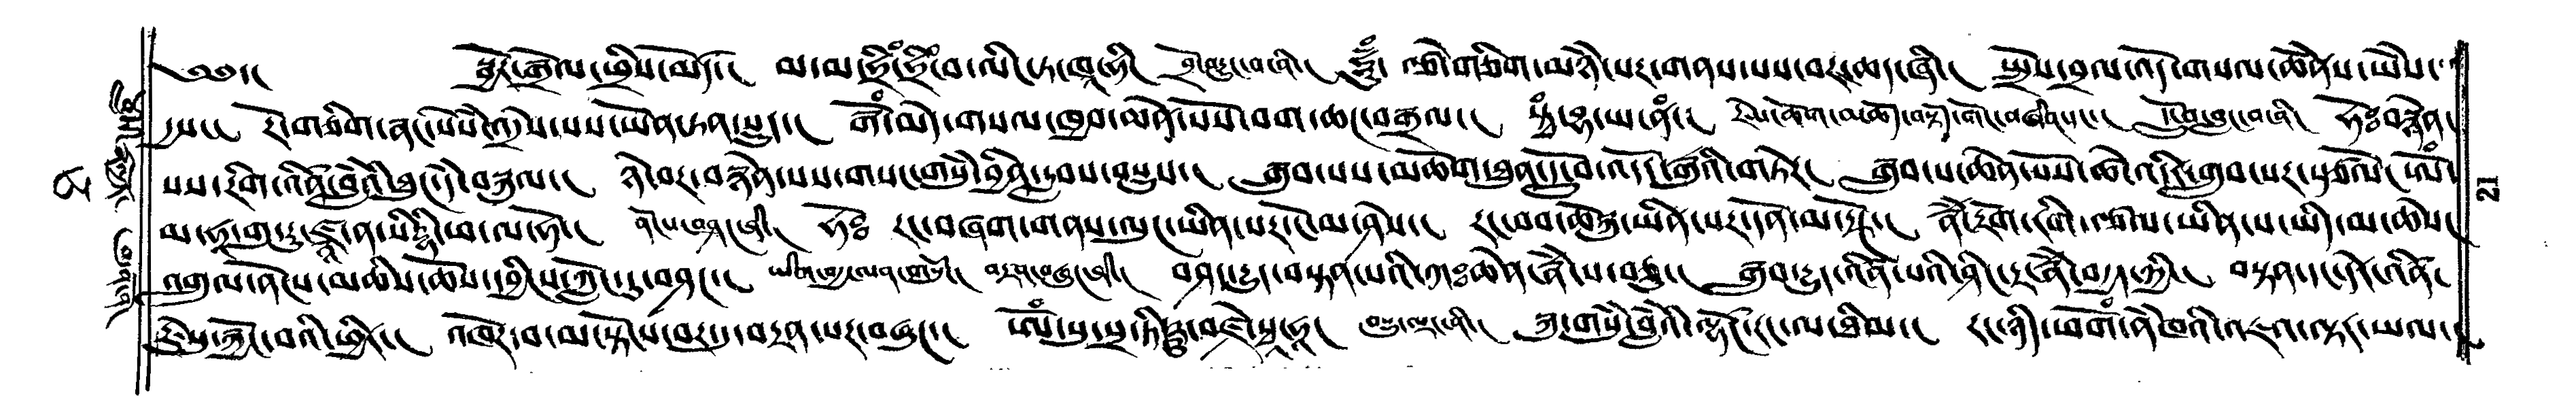སྦྱོར་སྒྲོལ་ཕྲིན་ལས་མཛོད། །མ་མ་ཧྲིཾ་ཧྲིཾ་བ་ལིངྟ་ཁཱ་ཧིཿ བྲོ་རྡུང་བ་ནི། ཧཱུྃ། རྩེ་གཅིག་མཉམ་པར་གནས་པས་བར་ཆད་ཞི། །སྤྲོས་བྲལ་འོད་གསལ་ཆེན་པོས་ཡེ་ཤེས་
རྒྱས། །རོ་གཅིག་སྣང་སེམས་འདྲེས་པས་ཡོན་ཏན་སྡུད། །སྒོམ་མེད་གསལ་ཁྱབ་ཆེན་པོས་བག་ཆགས་བསྒྲལ། །སྟྭཾ་བྷ་ཡ་ནན། རྗེས་ཆོག་མཆོད་བསྟོད་གོང་བཞིན་དང་། དངོས་གྲུབ་བླང་བ་ནི། ཧོ། བསྙེན་
པས་རིག་འཛིན་བླ་མའི་ཐུགས་དམ་བསྐུལ། ཉེ་བར་བསྙེན་པས་གསང་གསུམ་བྱིན་རླབས་བསྡུས། །བསྒྲུབས་པས་མཆོག་ཐུན་དངོས་གྲུབ་འདོད་རྒུའི་གཏེར། །སྒྲུབ་པ་ཆེན་པོས་ཚེ་འདིར་གྲུབ་པར་སྩོལ། །ཨོཾ་
མ་ཧཱ་གུ་རུ་ཛྙཱ་ན་སིདྡྷི་ཕ་ལ་ཧོཿ ནོངས་བཤགས་ནི། ཧོ། རང་བཞག་གནས་ལུགས་ཡིན་པར་ངོ་མ་ཤེས། །རང་བབ་ཆོས་སྐུ་ཡིན་པ་དོན་མ་རྟོགས། །རྣམ་རྟོག་རིག་རྩལ་ཡིན་པ་ཡིད་མ་ཆེས། །
འགལ་འཁྲུལ་ནོངས་མཆིས་ཆོས་དབྱིངས་ཀློང་དུ་བཤགས། །ཡིག་བརྒྱ་ལན་གསུམ། བརྟན་བཞུགས་ནི། བཤད་རྒྱུད་བསྟན་པའི་ཀཿཆེན་རྣམ་པ་བཅུ། །སྒྲུབ་རྒྱུད་འཛིན་པའི་ཤིང་རྟ་རྣམ་བརྒྱད་ཀྱི། །བསྟན་དང་དེ་འཛིན་
རྗེས་སུ་སྐྱོང་བའི་ཕྱིར། །འཁོར་བ་མ་སྟོངས་བར་དུ་བརྟན་པར་བཞུགས། །ཨོཾ་སུ་པྲ་ཏིཥྛ་བཛྲ་ཡེ་སྭ་ཧཱཿ བསྡུ་ལྡང་ནི། སྐུ་གསུམ་བླ་མའི་ལྷ་ཚོགས་རང་ལ་ཐིམ། །རང་ཉིད་ཕག་མོ་ནམ་མཁའི་འཇའ་ལྟར་ཡལ།